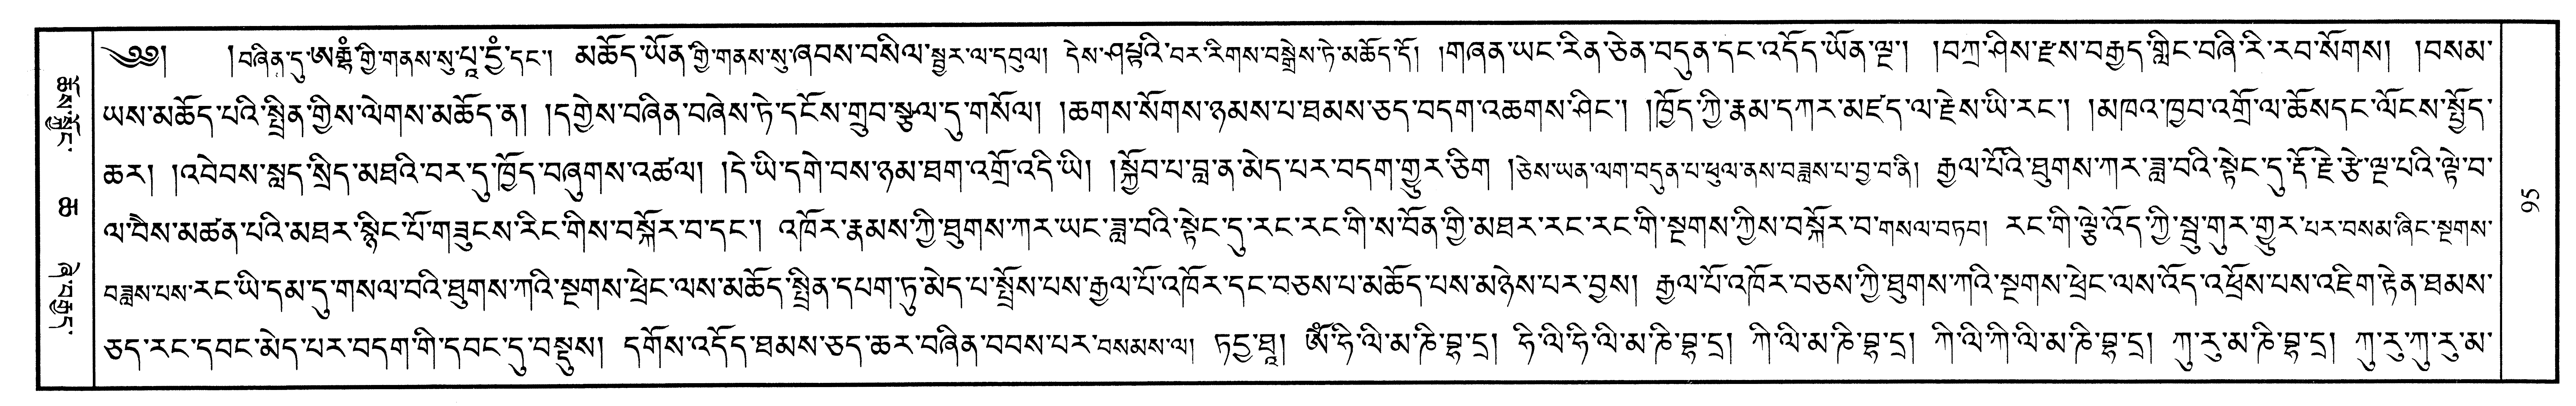༄༅། །བཞིན་དུ་ཨརྒྷཾ་གྱི་གནས་སུ་པཱ་དྱཾ་དང་། མཆོད་ཡོན་གྱི་གནས་སུ་ཞབས་བསིལ་སྦྱར་ལ་དབུལ། དེས་ཤཔྟའི་བར་རིགས་བསྒྲེས་ཏེ་མཆོད་དོ། །གཞན་ཡང་རིན་ཆེན་བདུན་དང་འདོད་ཡོན་ལྔ། །བཀྲ་ཤིས་རྫས་བརྒྱད་གླིང་བཞི་རི་རབ་སོགས། །བསམ་
ཡས་མཆོད་པའི་སྤྲིན་གྱིས་ལེགས་མཆོད་ན། །དགྱེས་བཞིན་བཞེས་ཏེ་དངོས་གྲུབ་སྩལ་དུ་གསོལ། །ཆགས་སོགས་ཉམས་པ་ཐམས་ཅད་བདག་འཆགས་ཤིང་། །ཁྱོད་ཀྱི་རྣམ་དཀར་མཛད་ལ་རྗེས་ཡི་རང་། །མཁའ་ཁྱབ་འགྲོ་ལ་ཆོས་དང་ལོངས་སྤྱོད་
ཆར། །འབེབས་སླད་སྲིད་མཐའི་བར་དུ་ཁྱོད་བཞུགས་འཚལ། །དེ་ཡི་དགེ་བས་ཉམ་ཐག་འགྲོ་འདི་ཡི། །སྐྱོབ་པ་བླ་ན་མེད་པར་བདག་གྱུར་ཅིག །ཅེས་ཡན་ལག་བདུན་པ་ཕུལ་ནས་བཟླས་པ་བྱ་བ་ནི། རྒྱལ་པོའི་ཐུགས་ཀར་ཟླ་བའི་སྟེང་དུ་རྡོ་རྗེ་རྩེ་ལྔ་པའི་ལྟེ་བ་
ལ་བཻས་མཚན་པའི་མཐར་སྙིང་པོ་གཟུངས་རིང་གིས་བསྐོར་བ་དང་། འཁོར་རྣམས་ཀྱི་ཐུགས་ཀར་ཡང་ཟླ་བའི་སྟེང་དུ་རང་རང་གི་ས་བོན་གྱི་མཐར་རང་རང་གི་སྔགས་ཀྱིས་བསྐོར་བ་གསལ་བཏབ། རང་གི་ལྕེ་འོད་ཀྱི་སྦུ་གུར་གྱུར་པར་བསམ་ཞིང་སྔགས་
བཟླས་པས་རང་ཡི་དམ་དུ་གསལ་བའི་ཐུགས་ཀའི་སྔགས་ཕྲེང་ལས་མཆོད་སྤྲིན་དཔག་ཏུ་མེད་པ་སྤྲོས་པས་རྒྱལ་པོ་འཁོར་དང་བཅས་པ་མཆོད་པས་མཉེས་པར་བྱས། རྒྱལ་པོ་འཁོར་བཅས་ཀྱི་ཐུགས་ཀའི་སྔགས་ཕྲེང་ལས་འོད་འཕྲོས་པས་འཇིག་རྟེན་ཐམས་
ཅད་རང་དབང་མེད་པར་བདག་གི་དབང་དུ་བསྡུས། དགོས་འདོད་ཐམས་ཅད་ཆར་བཞིན་བབས་པར་བསམས་ལ། ཏདྱ་ཐཱ། ཨོཾ་ཧི་ལི་མ་ཎི་བྷ་དྲ། ཧི་ལི་ཧི་ལི་མ་ཎི་བྷ་དྲ། ཀི་ལི་མ་ཎི་བྷ་དྲ། ཀི་ལི་ཀི་ལི་མ་ཎི་བྷ་དྲ། ཀུ་རུ་མ་ཎི་བྷ་དྲ། ཀུ་རུ་ཀུ་རུ་མ་